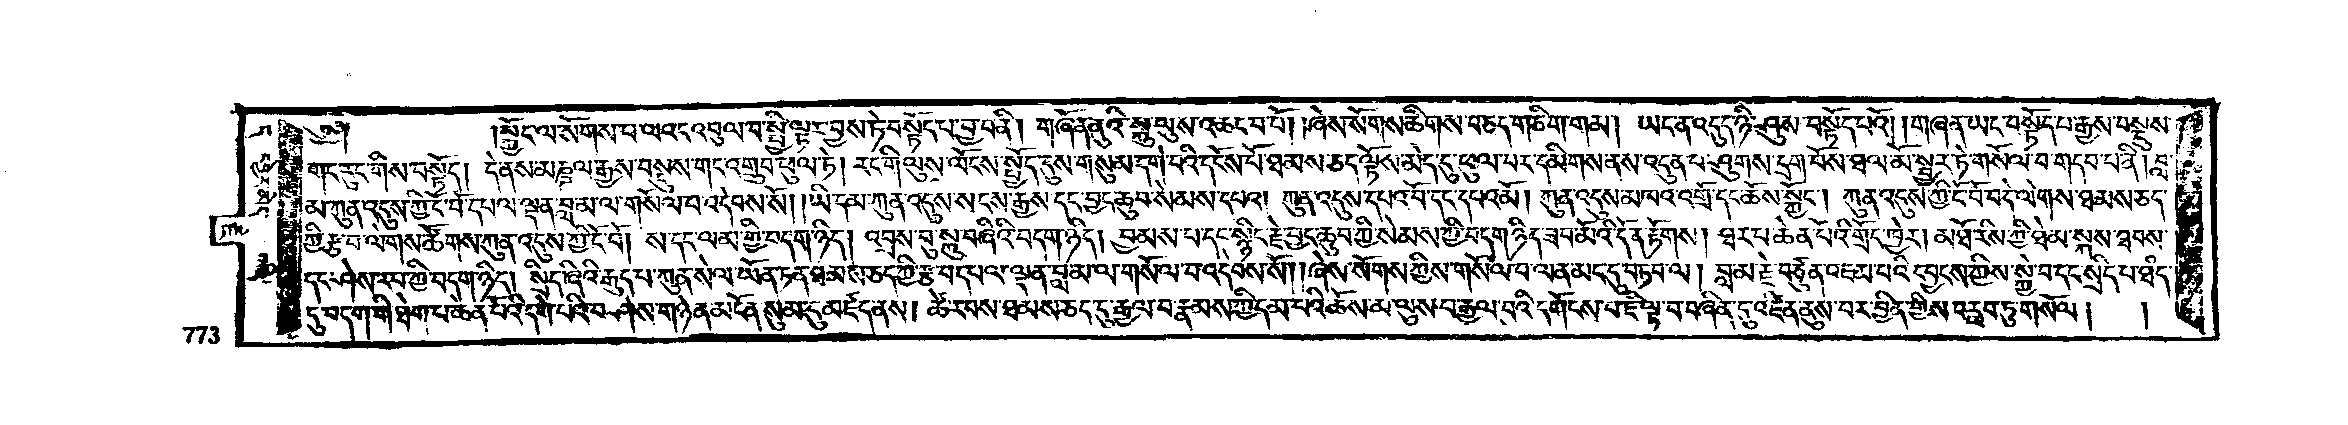༄༅། །སྐྱོང་ལ་སོགས་པ་ལའང་འབུལ་བ་སྤྱི་ལྟར་བྱས་ཏེ་བསྟོད་པ་བྱ་བ་ནི། གཞོན་ནུའི་སྐུ་ལུས་འཆང་བ་པོ། །ཞེས་སོགས་ཚིགས་བཅད་གཅིག་གམ། ཡང་ན་འདུད་ཉི་ཤུས་བསྟོད་པའོ། །གཞན་ཡང་བསྟོད་པ་རྒྱས་བསྡུས་
གང་རུང་གིས་བསྟོད། དེ་ནས་མཎྜལ་རྒྱས་བསྡུས་གང་འགྲུབ་ཕུལ་ཏེ། རང་གི་ལུས་ལོངས་སྤྱོད་དུས་གསུམ་དགེ་བའི་དངོས་པོ་ཐམས་ཅད་ལྟོས་མེད་དུ་ཕུལ་བར་དམིགས་ནས་འདུན་པ་ཤུགས་དྲག་པོས་ཐལ་མོ་སྦྱར་ཏེ་གསོལ་བ་གདབ་པ་ནི། བླ་
མ་ཀུན་འདུས་ཀྱི་ངོ་བོ་དཔལ་ལྡན་བླ་མ་ལ་གསོལ་བ་འདེབས་སོ། །ཡི་དམ་ཀུན་འདུས་སངས་རྒྱས་དང་བྱང་ཆུབ་སེམས་དཔའ། ཀུན་འདུས་དཔའ་བོ་དང་དཔའ་མོ། ཀུན་འདུས་མཁའ་འགྲོ་དང་ཆོས་སྐྱོང་། ཀུན་འདུས་ཀྱི་ངོ་བོ་བདེ་ལེགས་ཐམས་ཅད་
ཀྱི་རྩ་བ་ལེགས་ཚོགས་ཀུན་འདུས་ཀྱི་ངོ་བོ། ས་དང་ལམ་གྱི་བདག་ཉིད། འབྲས་བུ་སྐུ་བཞིའི་བདག་ཉིད། བྱམས་པ་དང་སྙིང་རྗེ་བྱང་ཆུབ་ཀྱི་སེམས་ཀྱི་བདག་ཉིད་ཟབ་མོའི་དོན་རྟོགས། ཐར་པ་ཆེན་པོའི་གྲོང་ཁྱེར། མཐོ་རིས་ཀྱི་ཐེམ་སྐས་ཐབས་
དང་ཤེས་རབ་ཀྱི་བདག་ཉིད། སྲིད་ཞིའི་རྒུད་པ་ཀུན་སེལ་ཡོན་ཏན་ཐམས་ཅད་ཀྱི་རྩ་བ་དཔལ་ལྡན་བླ་མ་ལ་གསོལ་བ་འདེབས་སོ། །ཞེས་སོགས་ཀྱིས་གསོལ་བ་ལན་མང་དུ་བཏབ་ལ། བླ་མ་རྗེ་བཙུན་འཇམ་པའི་དབྱངས་ཀྱིས་སྐྱེ་བ་དང་སྲིད་པ་ཐམས་ཅད་
དུ་བདག་གི་ཐེག་པ་ཆེན་པོའི་དགེ་བའི་བཤེགས་གཉེན་མངོན་སུམ་དུ་མཛད་ནས། ཚེ་རབས་ཐམས་ཅད་དུ་རྒྱལ་བ་རྣམས་ཀྱི་དམ་པའི་ཆོས་མ་ལུས་པ་རྒྱལ་བའི་དགོངས་པ་ཇི་ལྟ་བ་བཞིན་དུ་འཛིན་ནུས་པར་བྱིན་གྱིས་བརླབ་ཏུ་གསོལ། །